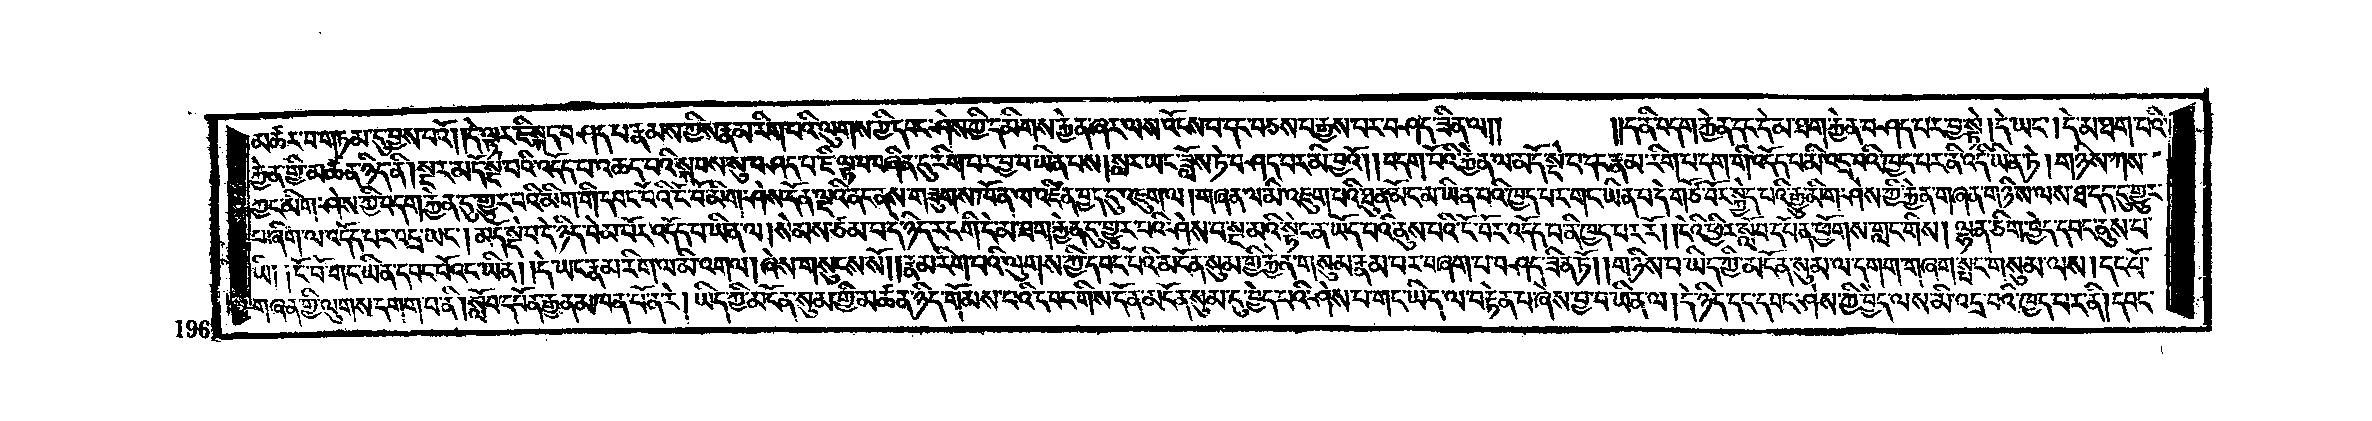མཚར་བ་གཏམ་དུ་བྱས་པའོ། །དེ་ལྟར་ཇི་སྐད་བཤད་པ་རྣམས་ཀྱིས་རྣམ་རིག་པའི་ལུགས་ཀྱི་དབང་ཤེས་ཀྱི་དམིགས་རྐྱེན་ཞར་ལས་འོངས་པ་དང་བཅས་པ་རྒྱས་པར་བཤད་ཟིན་ལ།། །།ད་ནི་བདག་རྐྱེན་དང་དེ་མ་ཐག་རྐྱེན་བཤད་པར་བྱ་སྟེ། དེ་ཡང་། དེ་མ་ཐག་པའི་
རྐྱེན་གྱི་མཚན་ཉིད་ནི། སྔར་མདོ་སྡེ་པའི་འདོད་པ་འཆད་པའི་སྐབས་སུ་བཤད་པ་ཇི་ལྟ་བ་བཞིན་དུ་རིག་པར་བྱ་བ་ཡིན་པས། སླར་ཡང་ཟློས་ཏེ་བཤད་པར་མི་བྱའོ། །བདག་པོའི་རྐྱེན་ལ་མདོ་སྡེ་པ་དང་རྣམ་རིག་པ་དག་གི་འདོད་པ་མི་འདྲ་བའི་ཁྱད་པར་ནི་འདི་ཡིན་ཏེ། གཉིས་ཀས་
ཀྱང་མིག་ཤེས་ཀྱི་བདག་རྐྱེན་དུ་གྱུར་པའི་མིག་གི་དབང་པོའི་ངོ་བོ་མིག་ཤེས་དོན་ལྔའི་ནང་ནས་གཟུགས་ཁོ་ན་ལ་འཛིན་བྱེད་དུ་འཇུག་ལ། གཞན་ལ་མི་འཇུག་པའི་ཐུན་མོང་མ་ཡིན་པའི་ཁྱད་པར་གང་ཡིན་པ་དེ་གཙོ་བོར་སྐྱེས་པའི་རྒྱུ་མིག་ཤེས་ཀྱི་རྐྱེན་གཞན་གཉིས་ལས་ཐ་དད་དུ་གྱུར་
པ་ཞིག་ལ་འདོད་པར་འདྲ་ཡང་། མདོ་སྡེ་ཨ་དེ་ཉིད་བེམ་པོར་འདོད་པ་ཡིན་ལ། སེམས་ཙམ་པ་དེ་ཉིད་རང་གི་དེ་མ་ཐག་རྐྱེན་དུ་གྱུར་པའི་ཤེས་པ་སྔ་མའི་སྟེང་ན་ཡོད་པའི་ནུས་པའི་ངོ་བོར་འདོད་པ་ནི་ཁྱད་པར་རོ། །དེའི་ཕྱིར་སློབ་དཔོན་ཕྱོགས་གླང་གིས། ལྷན་ཅིག་བྱེད་དབང་ནུས་པ་
ཡི། །ངོ་བོ་གང་ཡིན་དབང་པོའང་ཡིན། །དེ་ཡང་རྣམ་རིག་ལ་མི་འགལ། ཞེས་གསུངས་སོ། །རྣམ་རིག་པའི་ལུགས་ཀྱི་དབང་པོའི་མངོན་སུམ་གྱིས་རྐྱེན་གསུམ་རྣམ་པར་བཞག་པ་བཤད་ཟིན་ཏོ། །གཉིས་པ་ཡིད་ཀྱི་མངོན་སུམ་ལ་དགག་གཞག་སྤང་གསུམ་ལས། དང་པོ་
གཞན་གྱི་ལུགས་དགག་པ་ནི། སློབ་དཔོན་རྒྱན་མཁན་པོ་ན་རེ། ཡིད་ཀྱི་མངོན་སུམ་གྱི་མཚན་ཉིད་གོམས་པའི་དབང་གིས་དོན་མངོན་སུམ་དུ་བྱེད་པའི་ཤེས་པ་གང་ཡིད་ལ་བརྟེན་པ་ཞེས་བྱ་བ་ཡིན་ལ། དེ་ཉིད་དང་དབང་ཤེས་ཀྱི་བྱེད་ལས་མི་འདྲ་བའི་ཁྱད་པར་ནི། དབང་